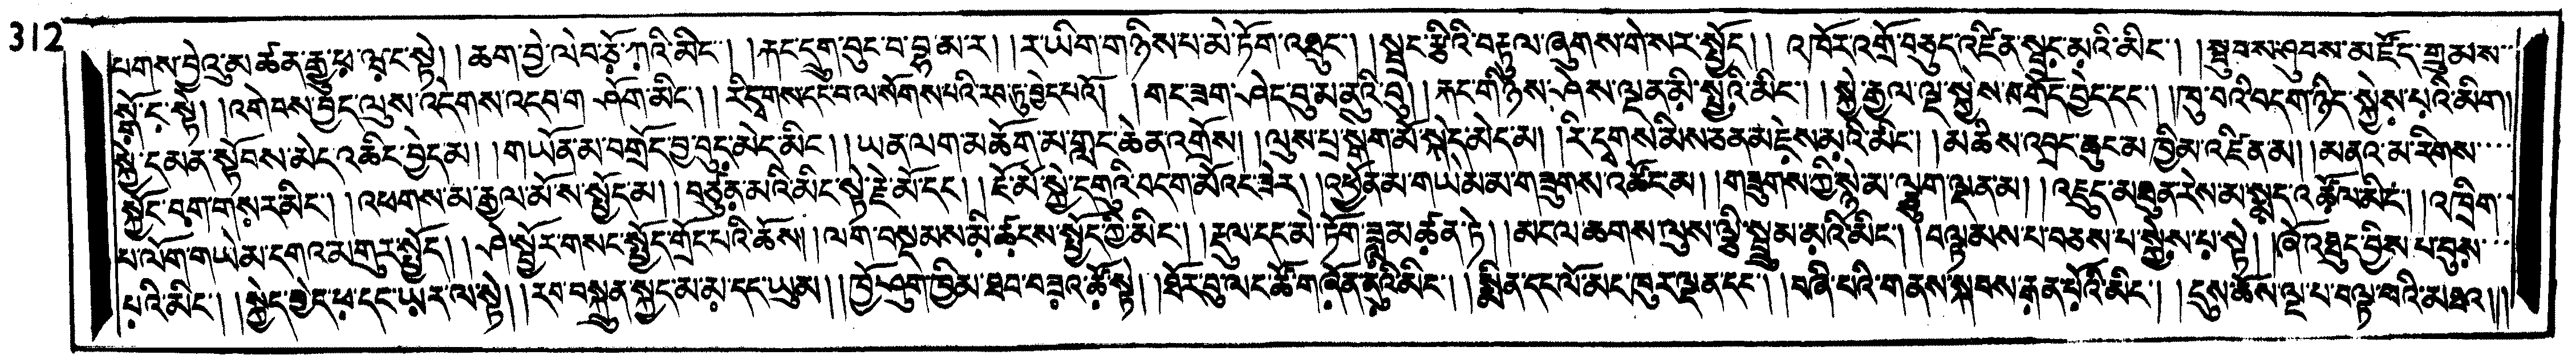པགས་བྱེའུ་མཚན་རྒྱུ་ཕ྾་ཝང་སྟེ། །ཆག་བྱེ་ལེ་བ་ཅོ྾་ཀའི྾་མིང་། །རྐང་དྲུག་བུང་བ་བྷ་མ་ར། །ར་ཡིག་གཉིས་པ་མེ་ཏོག་འཐུང་། །སྦྲང་རྩིའི་བརྟུལ་ཞུགས་གསེར་སྤྱོད། །འཁོར་འགྲོ་བཅུད་འཛིན་སྦྲང྾་མའི྾་མིང་། །སྦུབས་ཤུབས་མཛོད་གྲུམས་
སྒོ་ང་སྟེ། །འགེབས་བྱེད་ལུས་འདེགས་འདབ་གཤོག་མིང་། །རི་དྭགས་དང་བ་ལ་སོགས་པའི་རབ་ཏུ་བྱེད་པའོ། །གང་ཟག་ཤེད་བུ་མ་ནུའི་བུ། །རྐང་གཉིས་ཤེས་ལྡན་མི྾་སྤྱཱཨི྾་མིང་། །སྐྱེ་རྒྱལ་ལྔ་སྐྱེས་བགྲོད་བྱེད་དང་། །ཁུ་བའི་བདག་ཉིད་སྐྱེས་པའི་མིག།
སྐྱེ་དམན་སྟོབས་མེད་འཆིང་བྱེད་མ། །གཡོན་མ་བགྲོད་བྱ་བུད྾་མེད་མིང་། །ཡན་ལག་མཆོག་མ་གླང་ཆེན་འགྲོས། །ལུས་པྲ་སྒེགས་མོ་སྐྱེད་མེད་མ། །རི་དྭགས་མིས་ཅན་མཛེས་མའི྾་མིང་། །མཆིས་འབྲང་ཆུང་མཁྱིམ་འཛིན་མ། །མནའ་མ་རིགས་
སྐྱོང་བག྾་གསར྾་མིང་། །འཕགས་མ་རྒྱལ་མོ་ས་སྤྱོད་མ། །བཙུན་མའི་མིང་སྟེ་རྗེ་མོ་དང་། །ཇོ་མོ་སྐྱེ་དགུའི་བདག་མོའང་ཟེར། །འཕྱོན་མ་གཡེམས་མ་གཟུགས་འཚོང་མ། །གཟུགས་ཀྱི་སྙེ་མ་ལྕུག་ལྡན་མ། །འཇུད་མཐུན་རེས་མ་སྨད་འཚོལ་མིང་། །འཁྲིག་
པ་ལོག་གཡེམ་དགའ་མགུར་སྤྱོད། །ཤེ་སྦྱོར་གསང་སྤྱོད་གྲོང་པའི་ཆོས། །ལག་བསྡམས་མི་ཚངས་སྤྱོད་ཀྱི་མིང་། །རྡུལ་དང་མེ་ཏོག་ཟླ྾་མཚན་ཏེ། །མངལ་ཆགས་ལུས་ལྕི་སྦྲུམ་མའི་མིང་། །བལྟམས་པ་བཅས་པ་སྐྱེས་པ་སྟེ། །ཞོ་འཐུང་བྱིས་པ་བུས་
པའི་མིང་། །སྐྱེད་བྱེད་ཕ྾་དང་ཡར྾་ལ་སྟེ། །རབ་བསྐྲུན་སྐྱད་མ་མ྾་དང་ཡུམ། །ཁྱོ་ཤུག་ཁྱིམ་ཐབ་བཟའ྾་ཚོ྾་སྟེ། །ཐོར་བུ་ལང་ཚོ་གཞོན྾་ནུའི྾་མིང་། །སྨིན་དང་ལོ་མང་ཁུར་ལྡན་དང་། །བཞི་པའི་གནས་སྐབས་རྒན྾་པོའི྾་མིང་། །དུས་ཆོས་ལྔ་པ་ལྟ་བའི་མཐའ། །